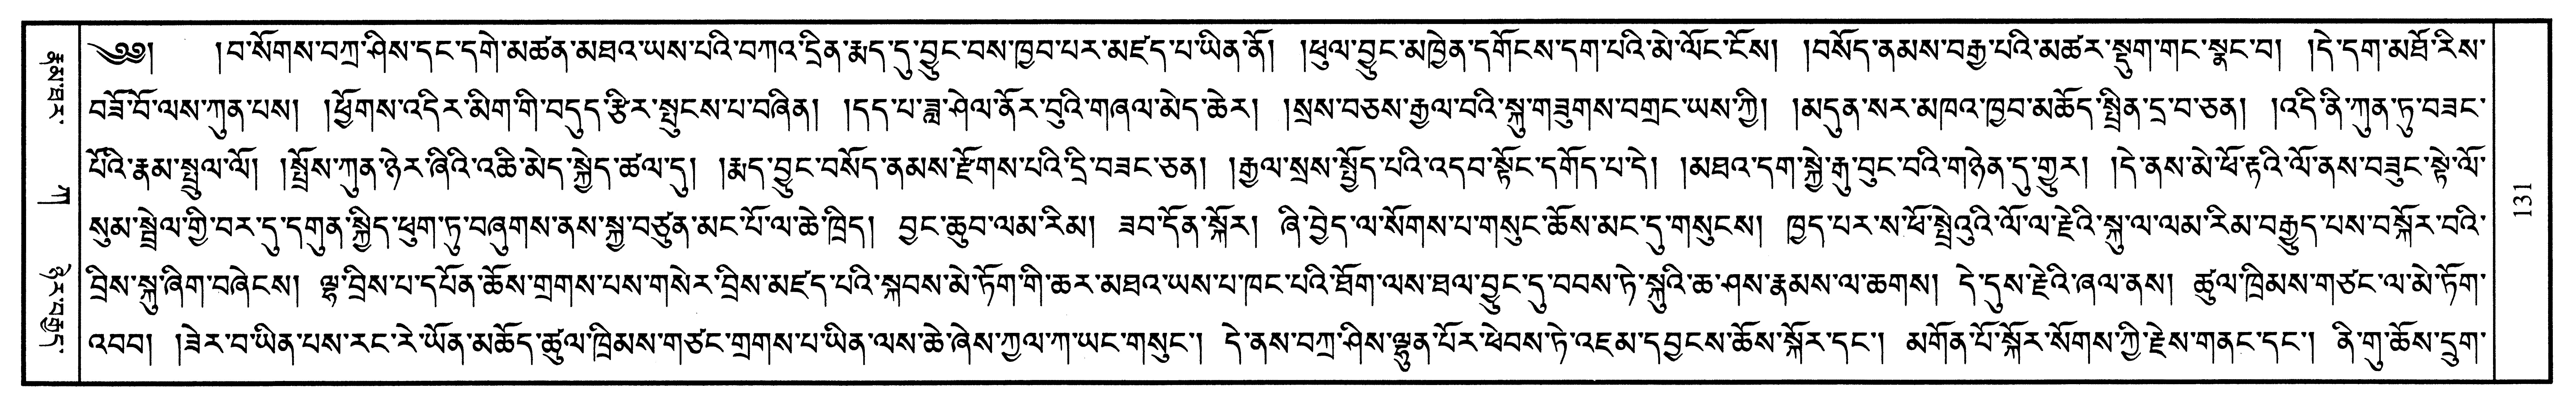༄༅། །བ་སོགས་བཀྲ་ཤིང་དང་དགེ་མཚན་མཐའ་ཡས་པའི་བཀའ་དྲིན་རྨད་དུ་བྱུང་བས་ཁྱབ་པར་མཛད་པ་ཡིན་ནོ། །ཕུལ་བྱུང་མཁྱེན་དགོངས་དག་པའི་མེ་ལོང་ངོ། །བསོད་ནམས་བརྒྱ་པའི་མཚར་སྡུག་གང་སྣང་བ། །དེ་དག་མཐོ་རིས་
བཟོ་བོ་ལས་ཀུན་པས། །ཕྱོགས་འདིར་མིག་གི་བདུད་རྩིར་སྤུངས་པ་བཞིན། །དད་པ་ཟླ་ཤེལ་ནོར་བུའི་གཞལ་མེད་ཆེར། །སྲས་བཅས་རྒྱལ་བའི་སྐུ་གཟུགས་བགྲང་ཡས་ཀྱི། །མདུན་སར་མཁའ་ཁྱབ་མཆོད་སྤྲིན་དྲ་བ་ཅན། །འདི་ནི་ཀུན་ཏུ་བཟང་
པོའི་རྣམ་སྤྲུལ་ལོ། །སྤྲོས་ཀུན་ཉེར་བཞིའི་འཆི་མེད་སྐྱེད་ཚལ་དུ། །རྨད་བྱུང་བསོད་ནམས་རྫོགས་པའི་དྲི་བཟང་ཅན། །རྒྱལ་སྲས་སྤྱོད་པའི་འདབ་སྟོང་དགོད་པ་དེ། །མཐའ་དག་སྐྱེ་རྒུ་བུང་བའི་གཉེན་དུ་གྱུར། །དེ་ནས་མེ་ཕོ་རྟའི་ལོ་ནས་བཟུང་སྟེ་ལོ་
སུམ་སྦྲེལ་གྱི་བར་དུ་དགུན་སྐྱིད་ཕུག་ཏུ་བཞུགས་ནས་སྐྱ་བཙུན་མང་པོ་ལ་ཆེ་ཁྲིད། བྱང་ཆུབ་ལམ་རིམ། ཟབ་དོན་སྐོར། ཞིང་བྱེད་ལ་སོགས་པ་གསུང་ཆོས་མང་དུ་གསུངས། ཁྱད་པར་ས་ཕོ་སྤྲེའུའི་ལོ་ལ་རྗེའི་སྐུ་ལ་ལམ་རིམ་བརྒྱུད་པས་བསྐོར་བའི་
བྲིས་སྐུ་ཞིག་བཞེངས། ལྷ་བྲིས་པ་དཔོན་ཆོས་གྲགས་པས་གསེར་བྲིས་མཛད་པའི་སྐབས་མེ་ཏོག་གི་ཆར་མཐའ་ཡས་པ་ཁང་པའི་ཐོག་ལས་ཐལ་བྱུང་བབས་ཏེ་སྐུའི་ཆ་ཤས་རྣམས་ལ་ཆགས། དེ་དུས་རྗེའི་ཞལ་ནས། སུལ་ཁྲིམས་གཏང་ལ་མེ་ཏོག་
འབབ། །ཟེར་བ་ཡིན་པས་རང་རེ་ཡོན་མཆོད་ཚུལ་ཁྲིམས་གཏང་གྲགས་པ་ཡིན་ལས་ཆེ་ཞེས་ཀྱལ་ཀ་ཡང་གསུང་། དེ་ནས་བཀྲ་ཤིས་ལྷུན་པོར་ཕེབས་ཏེ་འཇམ་དབྱངས་ཆོས་སྐོར་དང་། མགོན་པོ་སྐོར་སོགས་ཀྱི་རྗེས་གནང་དང་། ནི་གུ་ཆོས་དྲུག་